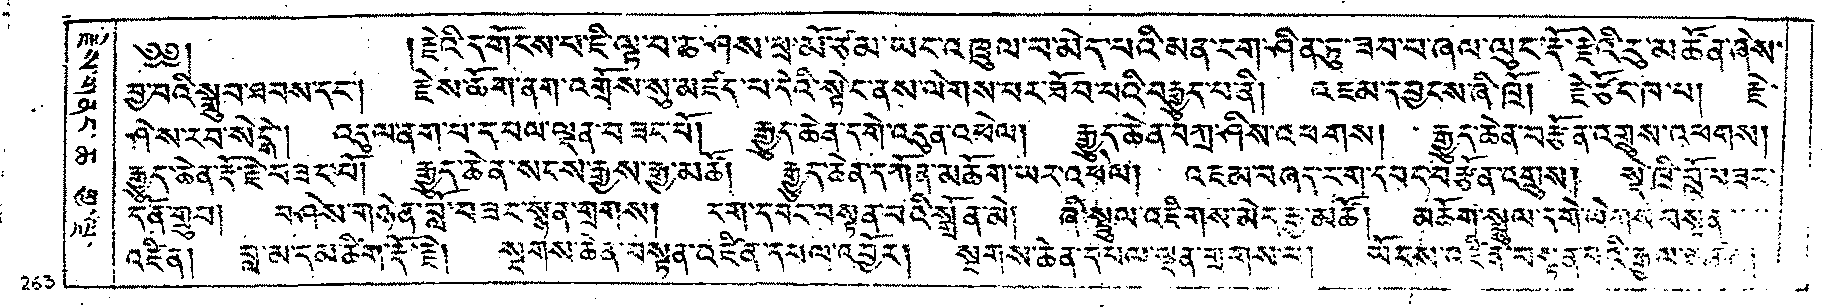༄༅། །རྗེའི་དགོངས་པ་ཇི་ལྟ་བ་ཆ་ཤས་ཕྲ་མོ་ཙམ་ཡང་འཁྲུལ་བ་མེད་པའི་མན་ངག་ཤིན་ཏུ་ཟབ་པ་ཞལ་ལུང་རྡོ་རྗེའི་རུ་མཚོན་ཞེས་
བྱ་བའི་སྒྲུབ་ཐབས་དང་། རྗེས་ཆོག་ནག་འགྲོས་སུ་མཛད་པ་དེའི་སྟེང་ནས་ལེགས་པར་ཐོབ་པའི་བརྒྱུད་པ་ནི། འཇམ་དབྱངས་ཞི་ཁྲོ། རྗེ་ཙོང་ཁ་པ། རྗེ་
ཤེས་རབ་སེངྒེ། འདུལ་ནག་པ་དཔལ་ལྡན་བཟང་པོ། རྒྱུད་ཆེན་དགེ་འདུན་འཕེལ། རྒྱུད་ཆེན་བཀྲ་ཤིས་འཕགས། རྒྱུད་ཆེན་བརྩོན་འགྲུས་འཕགས།
རྒྱུད་ཆེན་རྡོ་རྗེ་བཟང་པོ། རྒྱུད་ཆེན་སངས་རྒྱས་རྒྱ་མཚོ། རྒྱུད་ཆེན་དཀོན་མཆོག་ཡར་འཕེལ། འཇམ་བཞད་ངག་དབང་བརྩོན་འགྲུས། སྡེ་ཁྲི་བློ་བཟང་
དོན་གྲུབ། བཤེས་གཉེན་བློ་བཟང་སྙན་གྲགས། ངག་དབང་བསྟན་པའི་སྒྲོན་མེ། ཞི་སྤྲུལ་འཇིགས་མེད་རྒྱ་མཚོ། མཆོག་སྤྲུལ་དགེ་ལེགས་བསྟན་
འཛིན། བླ་མ་དམ་ཚིག་རྡོ་རྗེ། སྔགས་ཆེན་བསྟན་འཛིན་དཔལ་འབྱོར། སྔགས་ཆེན་དཔལ་ལྡན་གྲགས་པ། ཡོངས་འཛིན་བསྟན་པའི་རྒྱལ་མཚན།